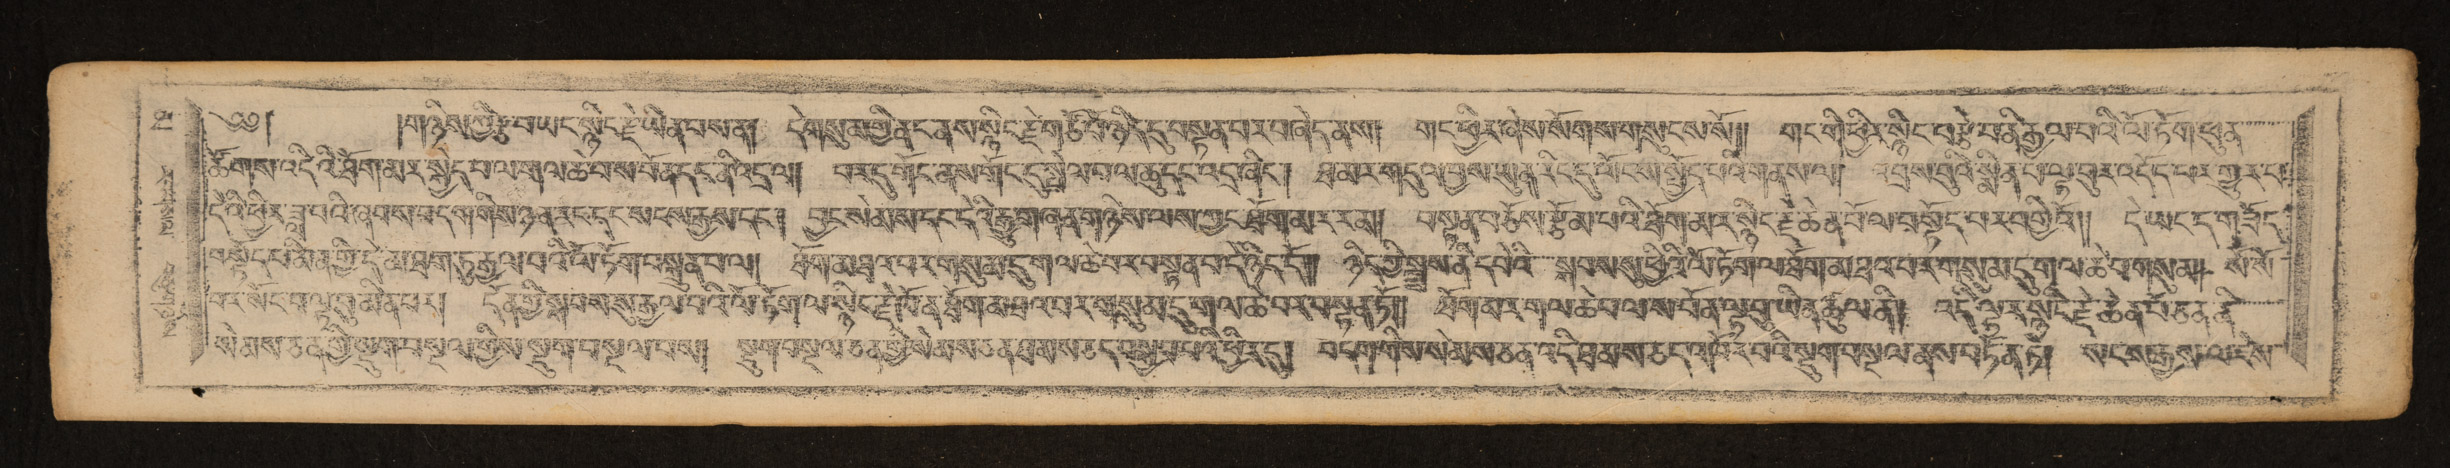༄༅། །གཉིས་ཀྱི་རྩ་བ་ཡང་སྙིང་རྗེ་ཡིན་པས་ན། དེ་གསུམ་གྱི་ནང་ནས་སྙིང་རྗེ་གཙོ་བོ་ཉིད་དུ་བསྟན་པར་བཞེད་ནས། གང་ཕྱིར་ཞེས་སོགས་གསུངས་སོ།། གང་གི་ཕྱིར་སྙིང་བརྩེ་བ་ནི་རྒྱལ་བའི་ལོ་ཏོག་ཕུན་
ཚོགས་འདིའི་ཐོག་མར་སྐྱེད་པ་ལ་གལ་ཆེ་བ་ས་བོན་དང་ནི་འདྲ་ལ། བར་དུ་གོང་ནས་གོང་དུ་སྤེལ་བ་ལ་ཆུ་དང་འདྲ་ཞིང་། ཐ་མར་གདུལ་བྱས་ཡུན་རིང་དུ་ལོངས་སྤྱོད་པའི་གནས་ལ། འབྲས་བུའི་སྨིན་པ་ལྟ་བུར་འདོད་པར་གྱུར་པ་
དེའི་ཕྱིར་ཟླ་བའི་ཞབས་བདག་གིས་ཉན་རང་དང་སངས་རྒྱས་དང་། བྱང་སེམས་དང་དེའི་རྒྱུ་གཞན་གཉིས་ལས་ཀྱང་ཐོག་མར་རམ། བསྟན་བཅོས་རྩོམ་བའི་ཐོག་མར་སྙིང་རྗེ་ཆེན་པོ་ལ་བསྟོད་པར་བགྱིའོ།། དེ་ཡང་ད་གཟོད་
བསྟོད་པ་མིན་གྱི་དེ་མ་ཐག་ཏུ་རྒྱལ་བའི་ལོ་ཏོག་བསྐྲུན་པ་ལ། ཐོག་མཐའ་བར་གསུམ་དུ་གལ་ཆེ་བར་བསྟན་པ་དེ་ཉིད་དོ།། ཉིད་ཀྱི་སྒྲས་ནི་དཔེའི་སྐབས་སུ་ཕྱིའི་ལོ་ཏོག་ལ་ཐོག་མཐའ་བར་གསུམ་དུ་གལ་ཆེ་བ་གསུམ། སོ་སོ་
བར་སོང་བ་ལྟ་བུ་མིན་པར། དོན་གྱི་སྐབས་སུ་རྒྱལ་བའི་ལོ་ཏོག་ལ་སྙིང་རྗེ་ཁོ་ན་ཐོག་མཐའ་བར་གསུམ་དུ་གལ་ཆེ་བར་བསྟན་ཏོ།། ཐོག་མར་གལ་ཆེ་བ་ལ་ས་བོན་ལྟ་བུ་ཡིན་ཚུལ་ནི། འདི་ལྟར་སྙིང་རྗེ་ཆེན་པོ་ཅན་ནི་
སེམས་ཅན་གྱི་སྡུག་བསྔལ་གྱིས་སྡུག་བསྔལ་བས། སྡུག་བསྔལ་ཅན་གྱི་སེམས་ཅན་ཐམས་ཅད་བསྐྱབ་པའི་ཕྱིར་དུ། བདག་གིས་སེམས་ཅན་འདི་ཐམས་ཅད་འཁོར་བའི་སྡུག་བསྔལ་ནས་བཏོན་ཏེ། སངས་རྒྱས་ལ་ངེས་